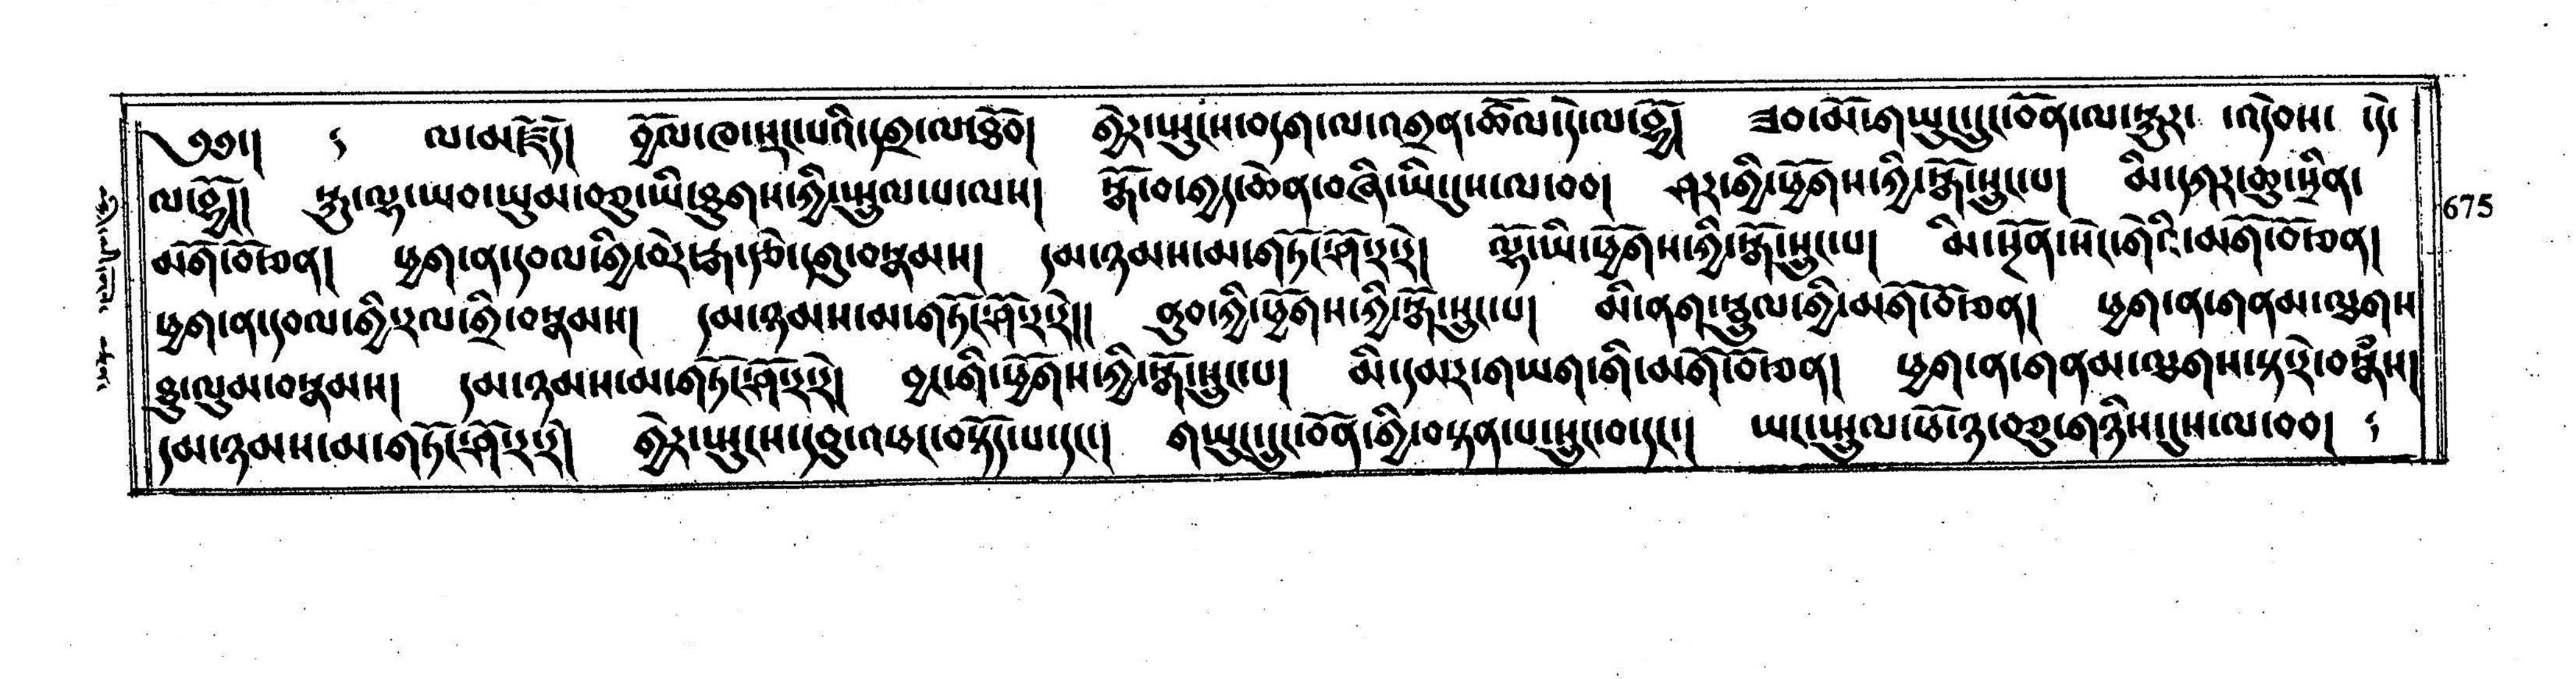ལ་མཛོད། བྱོལ་ཁ་སྡང་པའི་དགྲ་ལ་ཐོབ། གྱེར་སྤུངས་བདག་ལ་འགྲན་ཚོལ་དེ་ལ་བྷྱོ། ཟབ་མོ་གཡུང་དྲུང་བོན་ལ་སྐུར་འདེབས། དེ་
ལ་བྷྱོ།། སྐུ་ལྷ་ཡབ་ཡུམ་བཅུ་ཡི་ཐུགས་ཀྱི་སྤྲུལ་པ་ལས། སྒོ་བ་གྱད་ཆེན་བཞི་ཡི་དུས་ལ་བབ། ཤར་གྱི་ཕྱོགས་ཀྱི་སྒོ་སྲུང་པ། མི་དཀར་ཆུ་སྲིན་
མགོ་བོ་ཅན། ཕྱག་ན་དབལ་གྱི་བེར་རྒ་རྩེ་དགུ་བསྣམས། དམ་ཉམས་མ་གཏོང་ཤོ་ར་རེ། ལྷོ་ཡི་ཕྱོགས་ཀྱི་སྒོ་སྲུང་པ། མི་སྔོན་སེང་གེའི་མགོ་བོ་ཅན། 
ཕྱག་ན་དབལ་གྱི་རལ་གྲི་བསྣམས། དམ་ཉམས་མ་གཏོང་ཤོ་ར་རེ།། ནུབ་ཀྱི་ཕྱོགས་ཀྱི་སྒོ་སྲུང་པ། མི་ནག་སྦྲུལ་གྱི་མགོ་བོ་ཅན། ཕྱག་ན་གནམ་ལྕགས་
ཐུ་ལུམ་བསྣམས། དམ་ཉམས་མ་གཏོང་ཤོ་ར་རེ། བྱང་གི་ཕྱོགས་ཀྱི་སྒོ་སྲུང་པ། མི་དམར་གཡག་གི་མགོ་བོ་ཅན། ཕྱག་ན་གནམ་ལྕགས་སྟ་རེ་བསྣམས། 
དམ་ཉམས་མ་གཏོང་ཤོ་ར་རེ། གྱེར་སྤུངས་དབུ་འཕང་བསྟོད་པ་དང་། གཡུང་དྲུང་བོན་གྱི་བསྟན་པ་སྲུང་བ་དང་། ཡང་སྤྲུལ་ཕོ་ཉ་བཅུ་གཉིས་དུས་ལ་བབ།